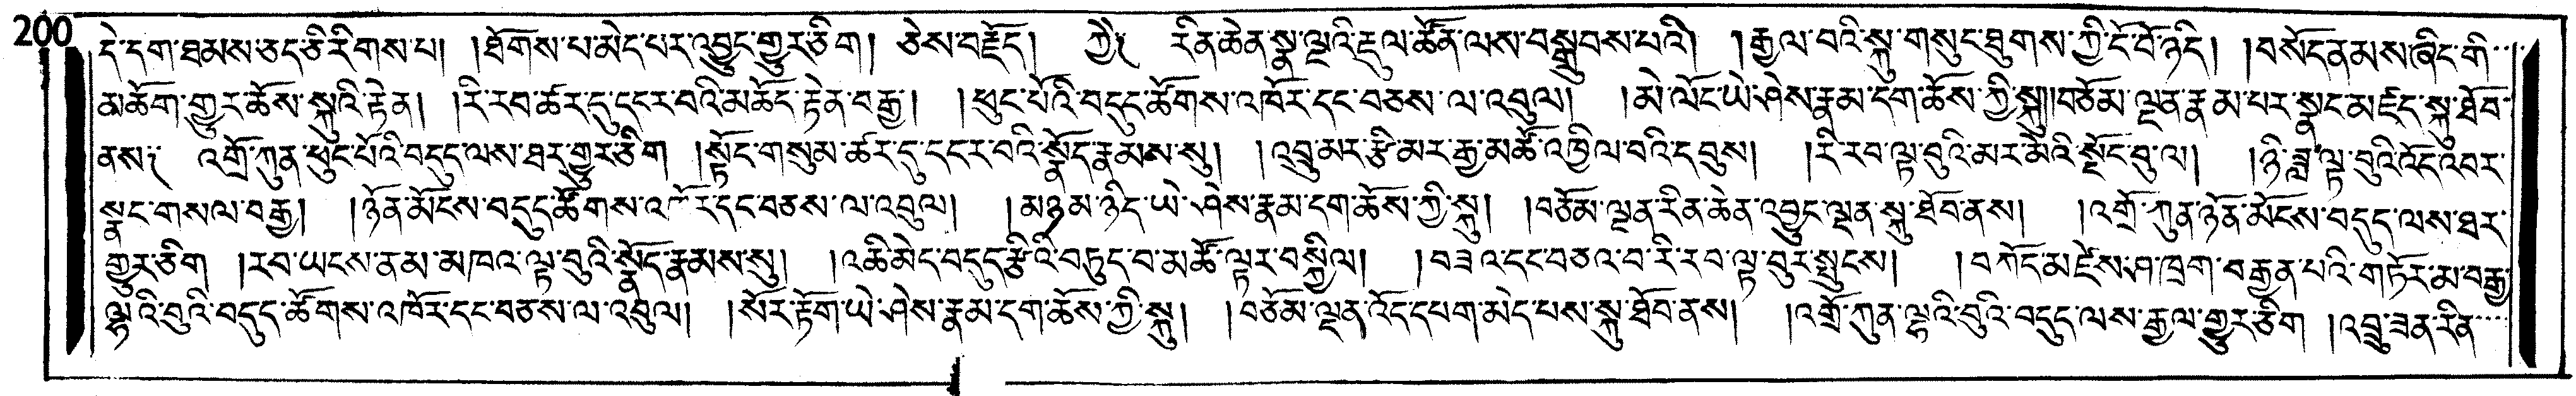དེ་དག་ཐམས་ཅད་ཅི་རིགས་པ། །ཐོགས་པ་མེད་པར་འབྱུང་གྱུར་ཅིག། ཅེས་བརྗོད། ཀྱཻ༑ རིན་ཆེན་སྣ་ལྔའི་རྡུལ་ཚོན་ལས་བསྒྲུབས་པའི། །རྒྱལ་བའི་སྐུ་གསུང་ཐུགས་ཀྱི་ངོ་བོ་ཉིད། །བསོད་ནམས་ཞིང་གི་
མཆོག་གྱུར་ཆོས་སྐུའི་རྟེན། །རི་རབ་ཚར་དུ་དངར་བའི་མཆོད་རྟེན་བརྒྱ། །ཕུང་པོའི་བདུད་ཚོགས་འཁོར་དང་བཅས་ལ་འབུལ། །མེ་ལོང་ཡེ་ཤེས་རྣམ་དག་ཆོས་ཀྱི་སྐུ། །བཅོམ་ལྡན་རྣམ་པར་སྣང་མཛད་སྐུ་ཐོབ་
ནས༑ འགྲོ་ཀུན་ཕུང་པོའི་བདུད་ལས་ཐར་གྱུར་ཅིག །སྟོང་གསུམ་ཚར་དུ་དངར་བའི་སྣོད་རྣམས་སུ། །འབྲུ་མར་རྩི་མར་རྒྱ་མཚོ་འཁྱིལ་བའི་དབུས། །རི་རབ་ལྟ་བུའི་མར་མེའི་སྡོང་བུ་ལ། །ཉི་ཟླ་ལྟ་བུའི་འོད་འབར་
སྣང་གསལ་བརྒྱ། །ཉོན་མོངས་བདུད་ཚོགས་འཁོར་དང་བཅས་ལ་འབུལ། །མཉམ་ཉིད་ཡེ་ཤེས་རྣམ་དག་ཆོས་ཀྱི་སྐུ། །བཅོམ་ལྡན་རིན་ཆེན་འབྱུང་ལྡན་སྐུ་ཐོབ་ནས། །འགྲོ་ཀུན་ཉོན་མོངས་བདུད་ལས་ཐར་
གྱུར་ཅིག །རབ་ཡངས་ནམ་མཁའ་ལྟ་བུའི་སྣོད་རྣམས་སུ། །འཆི་མེད་བདུད་རྩིའི་བཏུད་བ་མཚོ་ལྟར་བསྐྱིལ། །བཟའ་དང་བཅའ་བ་རི་རབ་ལྟ་བུར་སྤུངས། །བཀོད་མཛེས་ཤ་ཁྲག་བརྒྱན་པའི་གཏོར་མ་བརྒྱ་
ལྷའི་བུའི་བདུད་ཚོགས་འཁོར་དང་བཅས་ལ་འབུལ། །སོར་རྟོག་ཡེ་ཤེས་རྣམ་དག་ཆོས་ཀྱི་སྐུ། །བཅོམ་ལྡན་འོད་དཔག་མེད་པས་སྐུ་ཐོབ་ནས། །འགྲོ་ཀུན་ལྷའི་བུའི་བདུད་ལས་རྒྱལ་གྱུར་ཅིག །འབྲུ་ཟན་རིན་